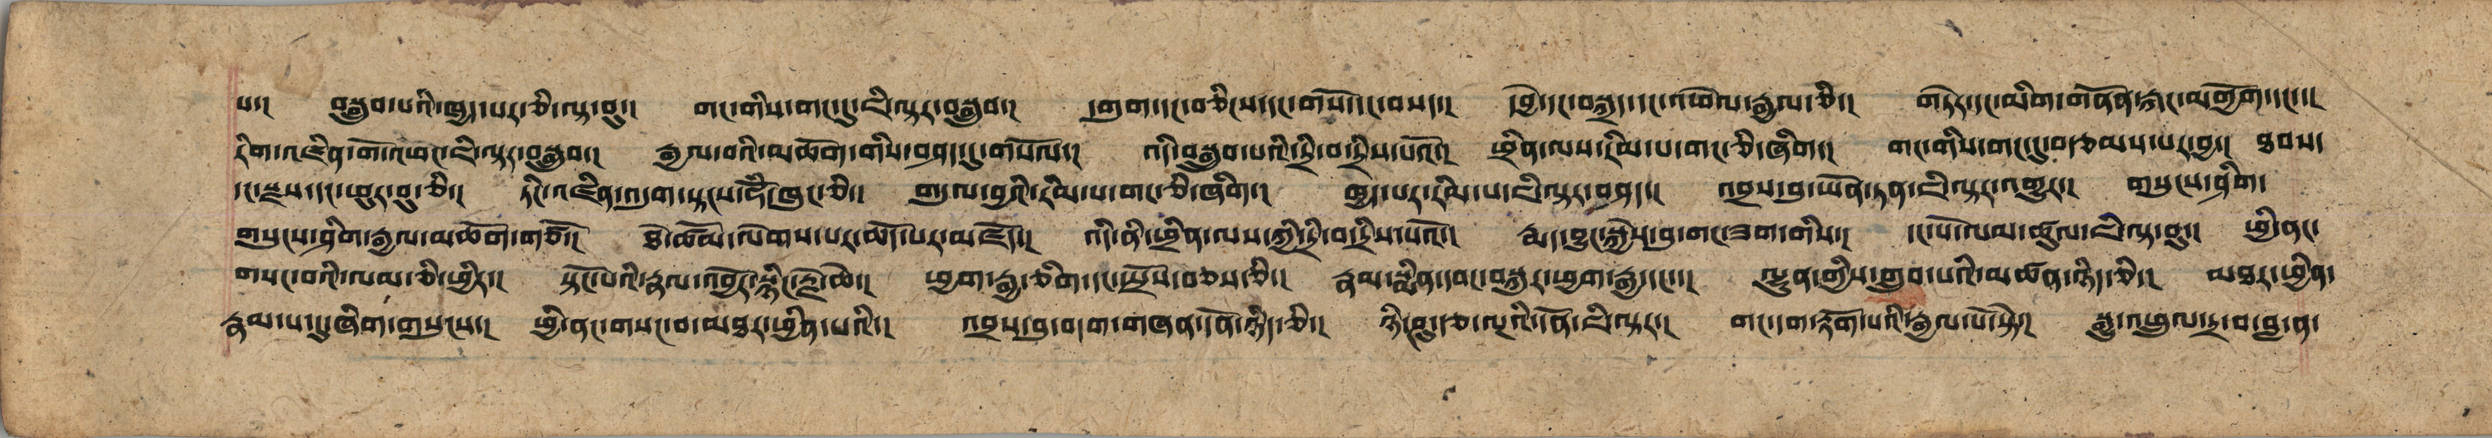པ་། བསྒྲུབ་པའི་ཁྱད་པར་ཅི་ལྟ་བུ་། གང་གིས་གང་དུ་ཇི་ལྟར་བསྒྲུབ་། དགུག་དང་བཅིངས་དང་གསོ་དང་བསད་། དབྱེ་དང་བསྐྲད་དང་འཕེལ་རྒྱལ་ཅི་། གཏེར་དང་མིག་གནོན་རྐང་མགྱོག་དང་་།
རིག་འཛིན་གོ་འཕང་ཇི་ལྟར་བསྒྲུབ་། རྒྱལ་བའི་མཆོག་གིས་བཤད་དུ་གསོལ་། འདི་བསྒྲུབ་པའི་དྲི་བ་དྲིས་པའོ་། ཕྲིན་ལས་རིམ་པ་གང་ཅི་ཞིག་། གང་གིས་གང་དུ་བརྩམས་པར་བྱ་། ཐབས་
དང་སྫས་དང་ཕུར་བུ་ཅི་། ཏིང་འཛིན་འདུག་སྟངས་ཧོཾ་ཁུང་ཅི་། གདུལ་བྱའི་རིམ་པ་གང་ཅི་ཞིག་། ཁྱད་པར་རིམ་པ་ཇི་ལྟར་བཤད་། འབྲས་བུ་ཡོན་ཏན་ཇི་ལྟར་འགྱུར་། གསུངས་ཤིག་
གསུངས་ཤིག་རྒྱལ་མཆོག་གཙོ་། ཐེ་ཚོམ་ལེགས་པར་ཆོད་པར་མཛོད་། འདི་ནི་ཕྲིན་ལས་ཀྱི་དྲི་བ་དྲིས་པའོ་། རྨད་བྱུང་སྐྱེས་བུ་གང་ཟག་གིས་། དང་པོ་ལམ་ཚུལ་ཇི་ལྟ་བུ་། ཕྱི་ནང་
གསང་བའི་ལམ་ཅི་ཕྱིར་། སྟོང་པའི་རྣལ་འབྱོར་སྙིང་རྗེ་ཆེ་། ཕྱག་རྒྱ་ཅིག་དང་སྤྲོས་བཅས་ཅི་། རྣམ་སྨིན་དབང་བསྐུར་ཕྱག་རྒྱ་དང་་། ལྷུན་གྱིས་གྲུབ་པའི་མཚན་ཉིད་ཅི་། མཐར་ཕྱིན་
རྣམ་པ་དུ་ཞིག་གསུངས་། ཕྱི་ནང་གསང་བ་མཐར་ཕྱིན་པའི་། འབྲས་བུ་བདག་གཞན་དོན་ཉིད་ཅི་། ཉི་ཤུ་རྩ་ལྔའི་དོན་ཇི་ལྟར་། གང་དག་རྟོག་པའི་རྒྱལ་པོ་སྟེ་། སྒྱུ་འཕྲུལ་དྲ་བ་བླ་ན་